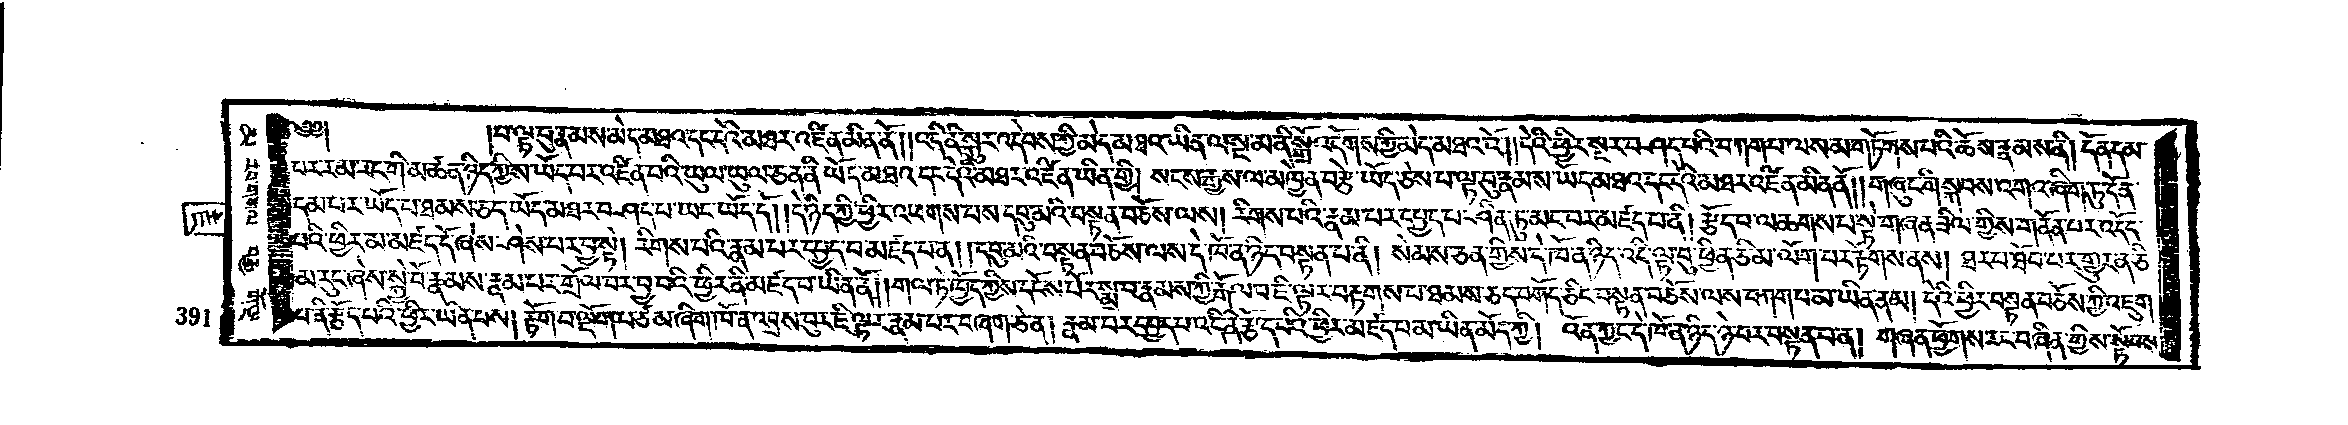༄༅། །པ་ལྟ་བུ་རྣམས་མེད་མཐའ་དང་དེའི་མཐར་འཛིན་མིན་ནོ། །འདི་ནི་སྐུར་འདེབས་ཀྱི་མེད་མཐའ་ཡིན་ལ་སྔ་མ་ནི་སྒྲོ་འདོགས་ཀྱི་མེད་མཐའ་འོ། །དེའི་ཕྱིར་སྔར་བཤད་པའི་བཀག་པ་ལས་མ་གཏོགས་པའི་ཆོས་རྣམས་ནི། དོན་དམ་
པར་རམ་རང་གི་མཚན་ཉིད་ཀྱིས་ཡོད་པར་འཛིན་པའི་ཡུལ་ཡུལ་ཅན་ནི་ཡོད་མཐའ་དང་དེའི་མཐར་འཛིན་ཡིན་གྱི། སངས་རྒྱས་ལ་མཁྱེན་བརྩེ་ཡོད་ཅེས་པ་ལྟ་བུ་རྣམས་ཡོད་མཐའ་དང་དེའི་མཐར་འཛིན་མིན་ནོ། །གཞུང་གི་སྐབས་འགའ་ཞིག་ཏུ་དོན་
དམ་པར་ཡོད་པ་ཐམས་ཅད་ཡོད་མཐར་བཤད་པ་ཡང་ཡོད་དོ། །དེ་ཉིད་ཀྱི་ཕྱིར་འཕགས་པས་དབུ་མའི་བསྟན་བཅོས་ལས། རིགས་པའི་རྣམ་པར་དཔྱད་པ་ཤིན་ཏུ་མང་བར་མཛད་པ་ནི། རྩོད་པ་ལ་ཆགས་པ་སྟེ་གཞན་ཟིལ་གྱིས་གནོན་པར་འདོད་
པའི་ཕྱིར་མ་མཛད་དོ་ཞེས་ཤེས་པར་བྱ་སྟེ། རིགས་པའི་རྣམ་པར་དཔྱད་པ་མཛད་པ་ན། །དབུ་མའི་བསྟན་བཅོས་ལས་དེ་ཁོ་ན་ཉིད་བསྟན་པ་ནི། སེམས་ཅན་གྱིས་དེ་ཁོ་ན་ཉིད་འདི་ལྟ་བུ་ཕྱིན་ཅི་མ་ལོག་པར་རྟོགས་ནས། ཐར་པ་ཐོབ་པར་གྱུར་ན་ཅི་
མ་རུང་ཞེས་སྐྱེ་བོ་རྣམས་རྣམ་པར་གྲོལ་བར་བྱ་བའི་ཕྱིར་ནི་མཛད་པ་ཡིན་ནོ། །གལ་ཏེ་ཁྱོད་ཀྱིས་དངོས་པོར་སྨྲ་བ་རྣམས་ཀྱི་རྒོལ་བ་ཇི་ལྟར་བརྟགས་པ་ཐམས་ཅད་བཀོད་ཅིང་བསྟན་བཅོས་ལས་བཀག་པ་མ་ཡིན་ནམ། དེའི་ཕྱིར་བསྟན་བཅོས་ཀྱི་འཇུག་
པ་ནི་རྩོད་པའི་ཕྱིར་ཡིན་པས། རྟོག་པ་ལྡོག་པ་ཙམ་ཞིག་ཁོ་ན་འབྲས་བུར་ཇི་ལྟར་རྣམ་པར་བཞག་ཅེ་ན། རྣམ་པར་དཔྱད་པ་འདི་ནི་རྩོད་པའི་ཕྱིར་མཛད་པ་མ་ཡིན་མོད་ཀྱི། འོན་ཀྱང་དེ་ཁོ་ན་ཉིད་ཉེ་བར་བསྟན་པ་ན། གཞན་ཕྱོགས་རང་བཞིན་གྱིས་སྟོབས་